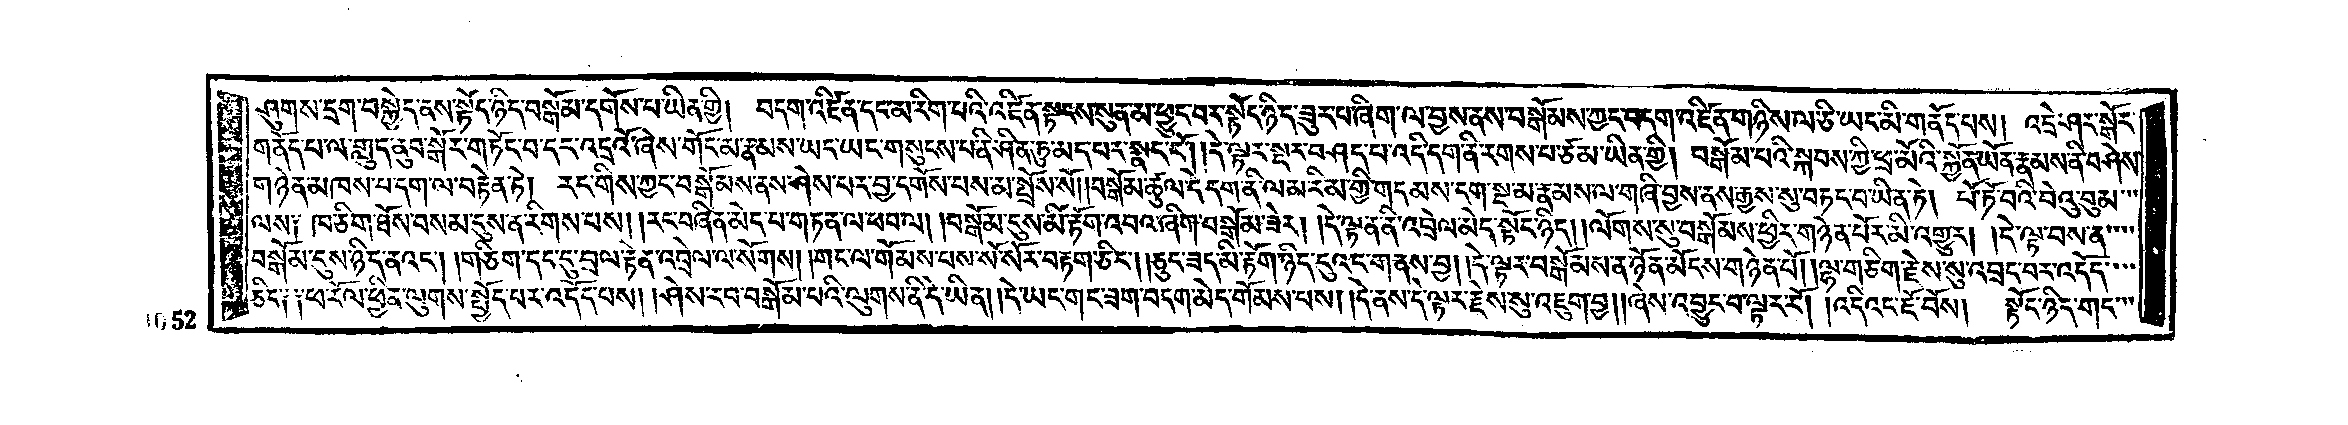ཤུགས་དྲག་བསྐྱེད་ནས་སྟོང་ཉིད་བསྒོམ་དགོས་པ་ཡིན་གྱི། བདག་འཛིན་དང་མ་རིག་པའི་འཛིན་སྟངས་སུན་མ་ཕྱུང་བར་སྟོང་ཉིད་ཟུར་པ་ཞིག་ལ་བྱས་ནས་བསྒོམས་ཀྱང་བདག་འཛིན་གཉིས་ལ་ཅི་ཡང་མི་གནོད་པས། འདྲེ་ཤར་སྒོར་
གནོད་པ་ལ་གླུད་ནུབ་སྒོར་གཏོང་བ་དང་འདྲའོ་ཞེས་གོང་མ་རྣམས་ཡང་ཡང་གསུངས་པ་ནི་ཤིན་ཏུ་མད་པར་སྣང་ངོ། །དེ་ལྟར་སྔར་བཤད་པ་འདི་དག་ནི་རགས་པ་ཙམ་ཡིན་གྱི། བསྒོམ་པའི་སྐབས་ཀྱི་ཕྲ་མོའི་སྐྱོན་ཡོན་རྣམས་ནི་བཤེས་
གཉེན་མཁས་པ་དག་ལ་བརྟེན་ཏེ། རང་གིས་ཀྱང་བསྒོམས་ནས་ཤེས་པར་བྱ་དགོས་པས་མ་སྤྲོས་སོ། །བསྒོམ་ཚུལ་དེ་དག་ནི་ལམ་རིམ་གྱི་གདམས་ངག་སྔ་མ་རྣམས་ལ་གཞི་བྱས་ནས་རྒྱས་སུ་བཏང་བ་ཡིན་ཏེ། པོ་ཏོ་བའི་བེའུ་བུམ་
ལས༑ ཁ་ཅིག་ཐོས་བསམ་དུས་ན་རིགས་པས། །རང་བཞིན་མེད་པ་གཏན་ལ་ཕབ་ལ། །བསྒོམ་དུས་མི་རྟོག་འབའ་ཞིག་བསྒོམ་ཟེར། །དེ་ལྟ་ན་ནི་འབྲེལ་མེད་སྟོང་ཉིད། །ལོགས་སུ་བསྒོམས་ཕྱིར་གཉེན་པོར་མི་འགྱུར། །དེ་ལྟ་བས་ན་
བསྒོམ་དུས་ཉིད་ནའང་། །གཅིག་དང་དུ་བྲལ་རྟེན་འབྲེལ་ལ་སོགས། །གང་ལ་གོམས་པས་སོ་སོར་བརྟག་ཅིང་། །ཅུང་ཟད་མི་རྟོག་ཉིད་དུའང་གནས་བྱ། །དེ་ལྟར་བསྒོམས་ན་ཉོན་མོངས་གཉེན་པོ། །ལྷ་གཅིག་རྗེས་སུ་འབྲང་བར་འདོད་
ཅིང༑ ༑ཕ་རོལ་ཕྱིན་ལུགས་སྤྱོད་པར་འདོད་པས། །ཤེས་རབ་བསྒོམ་པའི་ལུགས་ནི་དེ་ཡིན། །དེ་ཡང་གང་ཟག་བདག་མེད་གོམས་པས། །དེ་ནས་དེ་ལྟར་རྗེས་སུ་འཇུག་བྱ། །ཞེས་འབྱུང་བ་ལྟར་རོ། །འདིའང་ཇོ་བོས། སྟོང་ཉིད་གང་